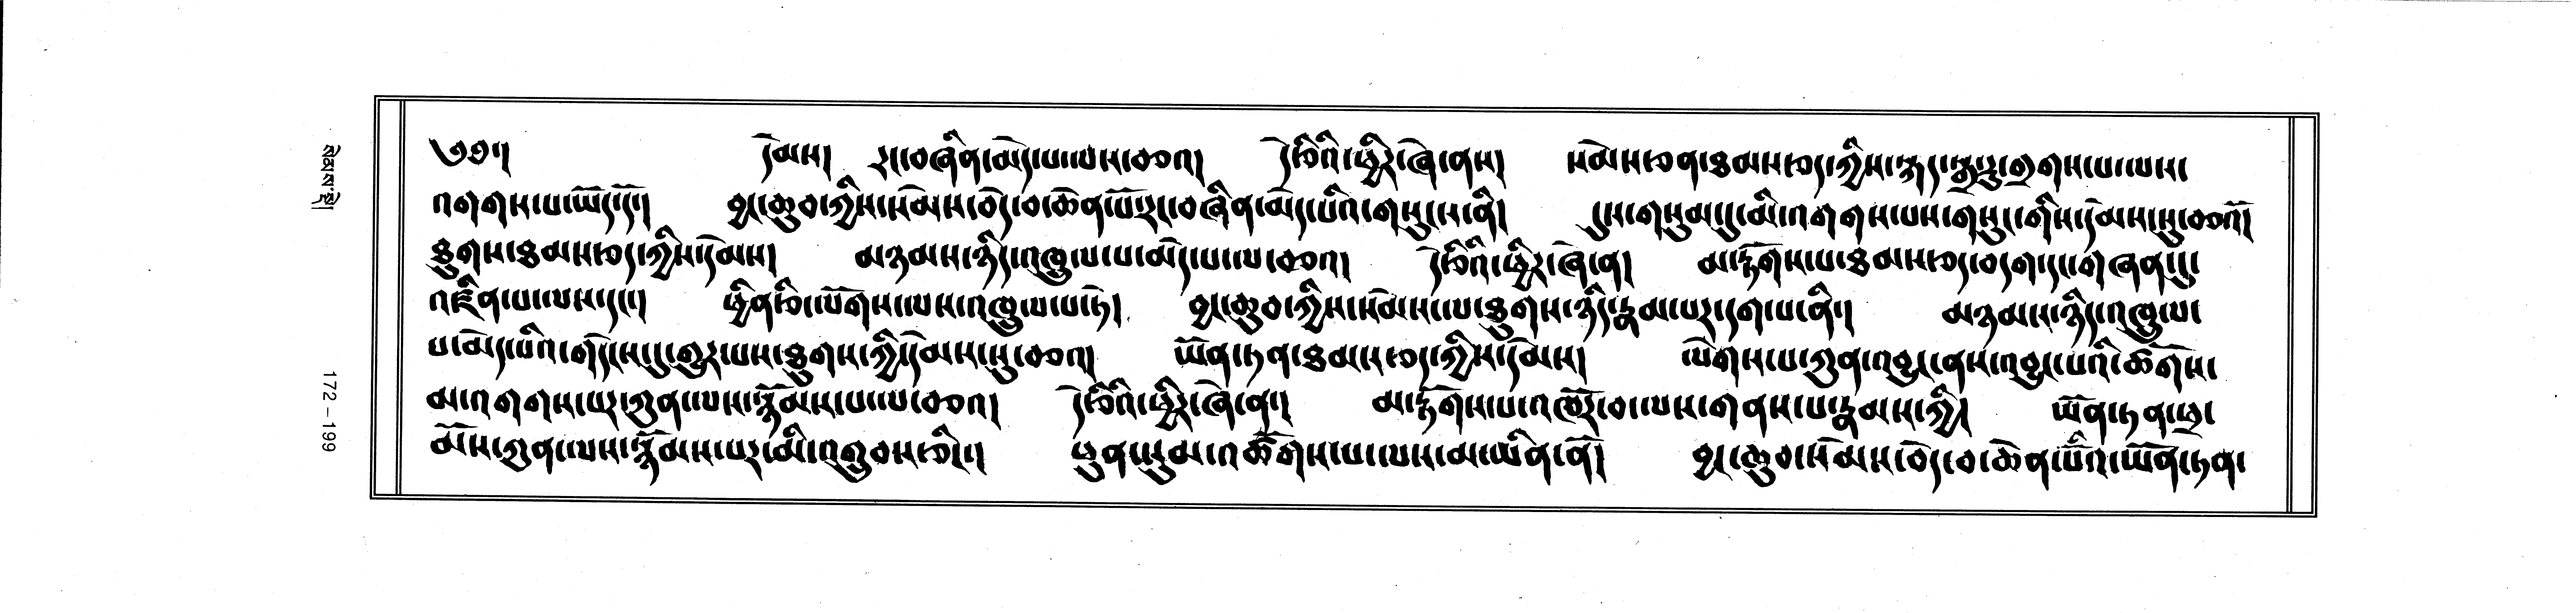དེམ། རང་བཞིན་མེད་པ་ལས་བཅའ། དེ་ཅིའི་ཕྱིར་ཞེ་ནས། སེམས་ཅན་ཐམས་ཅད་ཀྱིས་སྐད་སྒྲ་རུ་གྲགས་པ་ལས་
འགགས་པ་ཡོད་དོ། བྱང་ཆུབ་ཀྱིས་སེམས་བདེ་བ་ཆེན་པོ་རང་བཞིན་མེད་པའི་གསུངས་ནི། དུས་གསུམ་དུ་མི་འགགས་པས་གསུང་གིས་དེམ་སུ་བཅའོ། 
ཐུགས་ཐམས་ཅད་ཀྱིས་དེམ། མཉམས་ཉིད་འཁྲུལ་པ་མེད་པ་ལ་བཅའ། དེ་ཅིའི་ཕྱིར་ཞེ་ན། མ་རྟོགས་པ་ཐམས་ཅད་བདག་དང་གཞན་དུ་
འཛིན་པ་ལས་དང་། ཕྱིན་ཅི་ལོག་ལས་འཁྲུལ་པ་ཏེ། བྱང་ཆུབ་ཀྱིས་སེམས་ལ་ཐུགས་ཉིད་རྣམ་པར་དག་པ་ནི། མཉམས་ཉིད་འཁྲུལ་
པ་མེད་པའི་གདེང་དུ་གྱུར་པས་ཐུགས་ཀྱི་དེམ་སུ་བཅའ། ཡོན་ཏན་ཐམས་ཅད་ཀྱིས་དེམ། ལེགས་པ་ཀུན་འབྱུང་ནས་འབྱུང་པའི་ཚོགས་
མ་འགག་པར་ཀུན་ལས་སྙོམས་པ་ལ་བཅའ། དེ་ཅིའི་ཕྱིར་ཞེ་ན། མ་རྟོགས་པ་འཁོར་བ་ལས་གནས་པ་རྣམས་ཀྱི། ཡོན་ཏན་ཕྲ་
མོས་ཀུན་ལས་སྙོམས་པར་མི་འགྲུབས་ཅིང་། ཕུན་སུམ་འཚོགས་པ་ལས་མ་ཡིན་ནོ། བྱང་ཆུབ་སེམས་བདེ་བ་ཆེན་པོའི་ཡོན་ཏན་